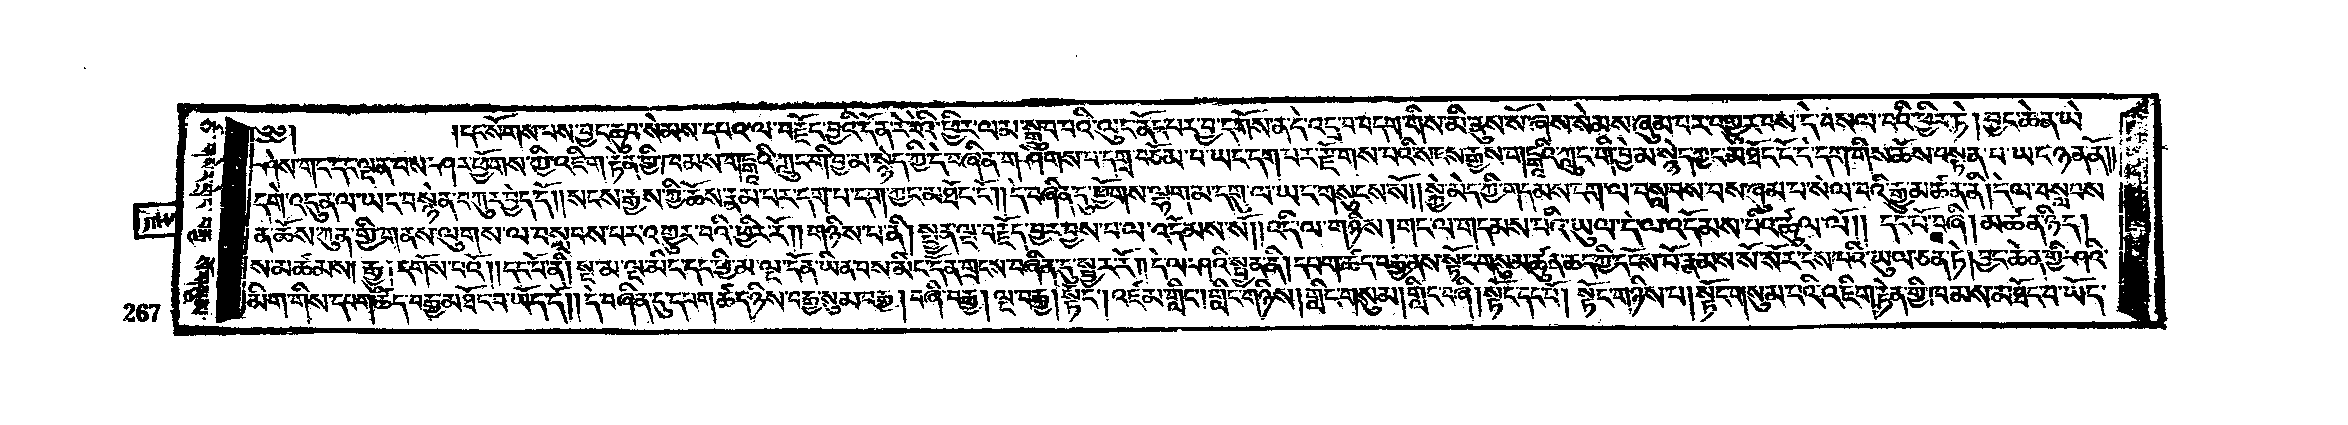༄༅། །དང་སོགས་པས་བྱང་ཆུབ་སེམས་དཔའ་ལ་བརྗོད་བྱའི་དོན་རེ་རེའི་ཕྱིར་ལམ་སྒྲུབ་པའི་ལུང་ནོད་པར་བྱ་དགོས་ན་དེ་འདྲ་བ་བདག་གིས་མི་ནུས་སོ་ཞེས་སེམས་ཞུམ་པར་འགྱུར་བས་དེ་བསལ་བའི་ཕྱིར་ཏེ། བྱང་ཆེན་ཡེ་
ཤེས་གང་དང་ལྡན་པས་ཤར་ཕྱོགས་ཀྱི་འཇིག་རྟེན་གྱི་ཁམས་གངཱའི་ཀླུང་གི་བྱ་མ་སྙེད་ཀྱི་དེ་བཞིན་གཤེགས་པ་དགྲ་བཅོམ་པ་ཡང་དག་པར་རྫོགས་པའི་སངས་རྒྱས་གངཱའི་ཀླུང་གི་བྱེ་མ་སྙེད་ཀྱང་མཐོང་ངོ་དེ་དག་གིས་ཆོས་བསྟན་པ་ཡང་ཉན་ནོ། །
དགེ་འདུན་ལ་ཡང་བསྙེན་བཀུར་བྱེད་དོ། །སངས་རྒྱས་ཀྱི་ཆོས་རྣམ་པར་དག་པ་དག་ཀྱང་མཐོང་ངོ། །དེ་བཞིན་དུ་ཕྱོགས་ལྷག་མ་དགུ་ལ་ཡང་གསུངས་སོ། །སྐྱེ་མེད་ཀྱི་གདམས་ངག་ལ་བསླབས་པས་ཞུམ་པ་སེལ་བའི་རྒྱུ་མཚན་ནི། དེ་ལ་བསླབས་
ན་ཆོས་ཀུན་གྱི་གནས་ལུགས་ལ་བསླབས་པར་འགྱུར་བའི་ཕྱིར་རོ། །གཉིས་པ་ནི། སྤྱན་ལྔ་བརྗོད་བྱར་བྱས་པ་ལ་འདོམས་སོ། །འདི་ལ་གཉིས། གང་ལ་གདམས་པའི་ཡུལ་དེ་ལ་འདོམས་པའི་ཚུལ་ལོ། །དང་པོ་བཞི། མཚན་ཉིད།
ས་མཚམས། རྒྱུ། དགོས་པའོ། །དང་པོ་ནི། སྔ་མ་ལྔ་མིང་དང་ཕྱི་མ་ལྔ་དོན་ཡིན་པས་མིང་དོན་གྲངས་བཞིན་དུ་སྦྱར་རོ། །དེ་ལ་ཤའི་སྤྱན་ནི། དཔག་ཚད་བརྒྱ་ནས་སྟོང་གསུམ་ཚུན་ཆད་ཀྱི་དངོས་པོ་རྣམས་སོ་སོར་ངེས་པའི་ཡུལ་ཅན་ཏེ། བྱང་ཆེན་གྱི་ཤའི་
མིག་གིས་དཔག་ཚད་བརྒྱ་མཐོང་བ་ཡོད་དོ། །དེ་བཞིན་དུ་དཔག་ཚད་ཉིས་བརྒྱ་སུམ་བརྒྱ། བཞི་བརྒྱ། ལྔ་བརྒྱ། སྟོང་། འཛམ་གླིང་། གླིང་གཉིས། གླིང་གསུམ། གླིང་བཞི། སྟོང་དང་པོ། སྟོང་གཉིས་པ། སྟོང་གསུམ་པའི་འཇིག་རྟེན་གྱི་ཁམས་མཐོང་བ་ཡོད་